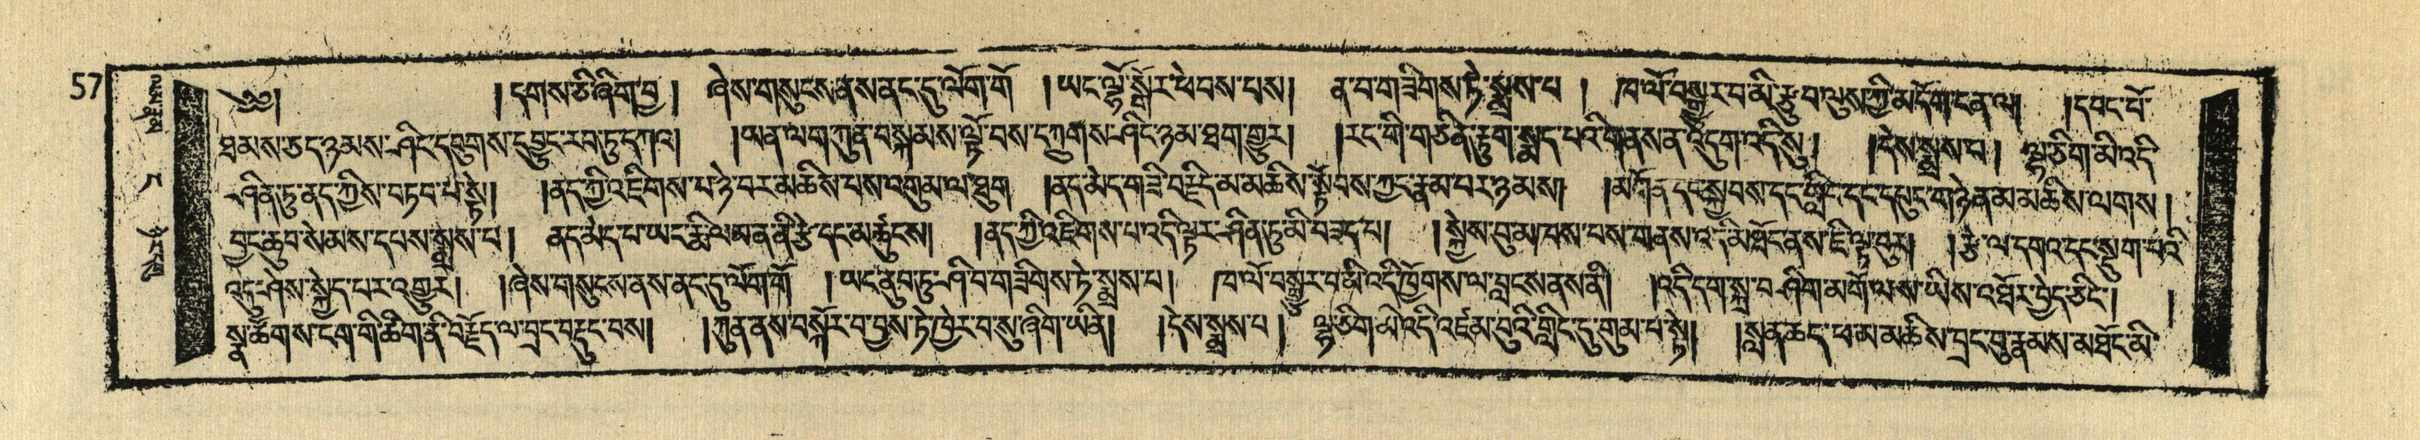༄༅། །དགས་ཅི་ཞིག་བྱ། ཞེས་གསུངས་ནས་ནང་དུ་ལོག་གོ །ཡང་ལྷོ་སྒོར་ཕེབས་པས། ན་བ་གཟིགས་ཏེ་སྨྲས་པ། ཁ་ལོ་བསྒྱུར་བ་མི་རྩུབ་ལུས་ཀྱི་མདོག་ངན་ལ། །དབང་པོ་
ཐམས་ཅད་ཉམས་ཤིང་དབུགས་དབྱུང་རབ་ཏུ་དཀའ། །ཡན་ལག་ཀུན་བསྐམས་ལྟོ་བས་དཀྲུགས་ཤིང་ཉམ་ཐག་གྱུར། །རང་གི་གཅིན་རྟུག་སྨད་པའི་གནས་ན་འདུག་འདི་སུ། །དེས་སྨྲས་པ། ལྷ་ཅིག་མི་འདི་
ཤིན་ཏུ་ནད་ཀྱིས་བཏབ་པ་སྟེ། །ནད་ཀྱི་འཇིགས་པ་ཉེ་བར་མཆིས་པས་འགུམ་ལ་ཐུག །ནད་མེད་གཟི་བརྗིད་མ་མཆིས་སྟོབས་ཀྱང་རྣམ་པར་ཉམས། །མགོན་དང་སྐྱབས་དང་གླིང་དང་དཔུང་གཉེན་མ་མཆིས་ལགས།
བྱང་ཆུབ་སེམས་དཔས་སྨྲས་པ། ནད་མེད་པ་ཡང་རྨི་ལམ་ན་ནི་རྩེ་དང་མཚུངས། །ནད་ཀྱི་འཇིགས་པ་འདི་ལྟར་ཤིན་ཏུ་མི་བཟད་པ། །སྐྱེས་བུ་མཁས་པས་གནས་འདི་མཐོང་ནས་ཇི་ལྟ་བུར། །རྩེ་ལ་དགའ་དང་སྡུག་པའི་
འདུ་ཤེས་སྐྱེད་པར་འགྱུར། །ཞེས་གསུངས་ནས་ནང་དུ་ལོག་གོ །ཡང་ནུབ་ཏུ་ཤི་བ་གཟིགས་ཏེ་སྨྲས་པ། ཁ་ལོ་བསྒྱུར་བ་མི་འདི་ཁྱོགས་ལ་བླངས་ནས་ནི། །འདི་དག་སྐྲ་བཤིག་མགོ་ལས་ཡིས་འཐོར་བྱེད་ཅིང་། །
སྣ་ཚོགས་ངག་གི་ཚིག་ནི་བརྗོད་ལ་བྲང་བརྡུང་བས། །ཀུན་ནས་བསྐོར་བ་བྱས་ཏེ་ཁྱེར་བ་སུ་ཞིག་ཡིན། །དེས་སྨྲས་པ། ལྷ་ཅིག་མི་འདི་འཛམ་བུའི་གླིང་དུ་གུམ་པ་སྟེ། །སླན་ཆད་ཕ་མ་མཆིས་བྲང་བུ་རྣམས་མཐོང་མི་